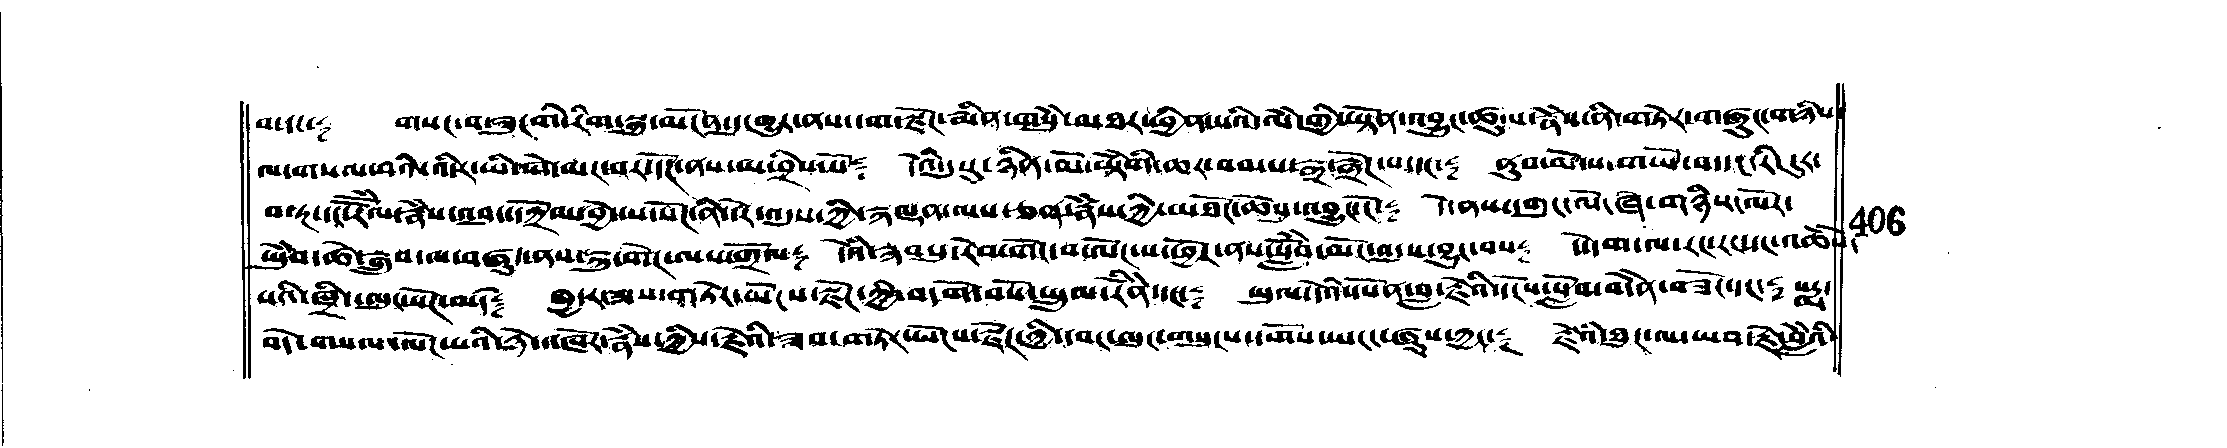བ་དང་། གསང་བ་ཟུང་འཇུག་གི་རིག་སྐུ་མངོན་དུ་གྱུར་ནས་དག་རྫོགས་སྨིན་གསུམ་མཐར་ཕྱིན་པའི་ལམ་གྱི་ཡོན་ཏན་འབྱུང་ཚུལ་རྣམས་ནི་གཏེར་གཞུང་གཉིས་
ལ་གསལ་བས་འདིར་ཡི་གེ་མང་བར་དོགས་ནས་མ་བྲིས་སོ། དེའི་དུས་སུ་ཉིན་མོ་མེ་ཏོག་གི་ཆར་བབ་པ། སྒྲ་སྒྲོགས་པ་དང་། ནུབ་མོ་ས་གཡོ་བ་དང་རི་ངུར་
བ་རྔ་དང་རོལ་མོ་རྣམས་འབུད་དཀྲོལ་བྱེད་པ་སོགས་ནི་དེར་འདུས་ཀྱི་སྐལ་ལྡན་ལས་ཅན་རྣམས་ཀྱི་མཐོང་ཆོས་སུ་བྱུང་ངོ་། དེ་ནས་དགུང་ལོ་ཞེ་གཉིས་ལོར་
ཡབ་ཡུམ་ཚེ་སྒྲུབ་ལ་བཞུགས་ནས་སྐུ་གེགས་ལས་གྲོལ། དེའི་སྐབས་སུ་རེབ་གོང་བ་ལ་སོགས་པ་ཕྱོགས་ནས་སློབ་མ་མང་པོ་འདུས་བྱུང་བས། དེ་དག་ལ་རང་རང་དང་འཚམས་
པའི་ཁྲིད་ལུང་སོགས་མཛད། ཁྱད་པར་ཟབ་གཏེར་ཡོངས་རྫོགས་ཀྱི་བདག་པོ་བསོ་སྤྲུལ་རིན་པོ་ཆེ་དང་། ཡུལ་དེའི་དཔོན་བླ་རྗེའི་དངོས་སློབ་བདེ་ཆེན་བཟང་པོ་དང་། པདྨ་
བདེ་གསལ་ལ་སོགས་པའི་ཉེ་འཁོར་རྣམས་ཀྱིས་རྗེའི་ཟབ་གཏེར་ཡོངས་རྫོགས་ཀྱི་དབང་ལུང་གསུངས་དགོས་ཡང་ཡང་ཞུས་ཀྱང་།རྗེའི་ཐུགས་ལ་ཡབ་རྗེ་བླ་མའི་